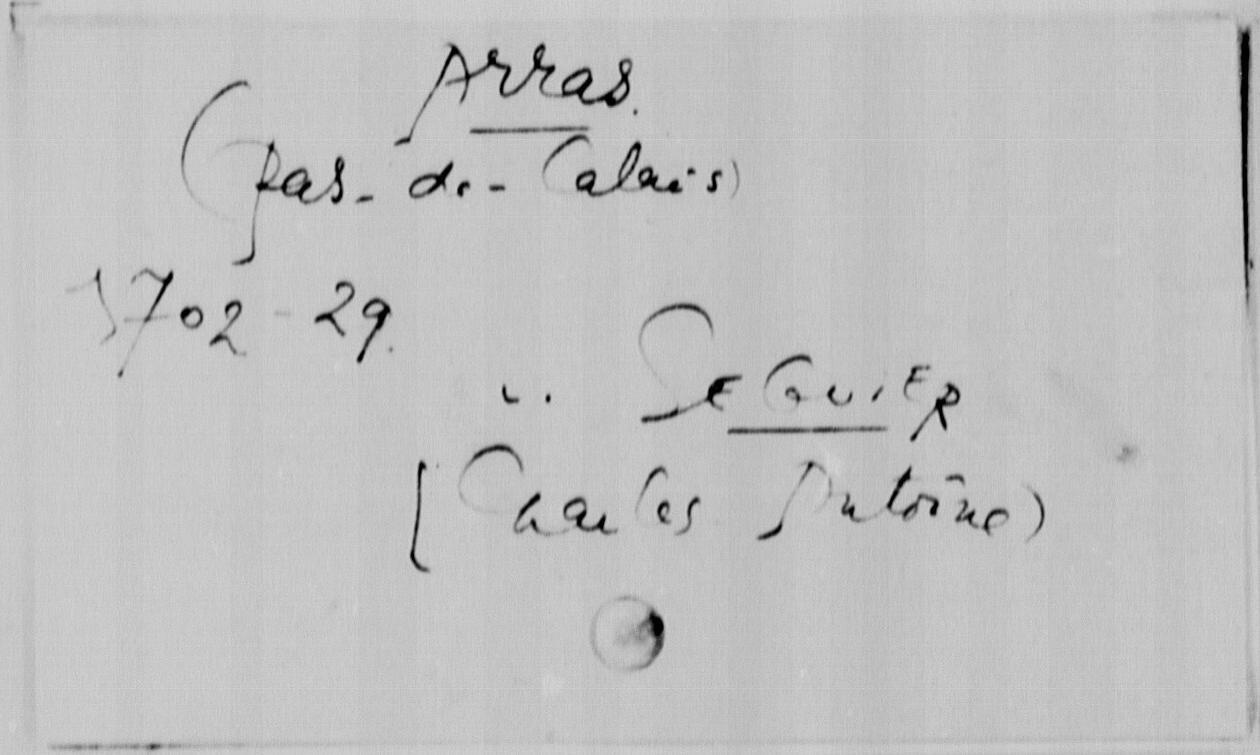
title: Arras (Pas-de-Calais)
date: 1702-1729
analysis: Voir SEGUIER (Charles Antoine)
